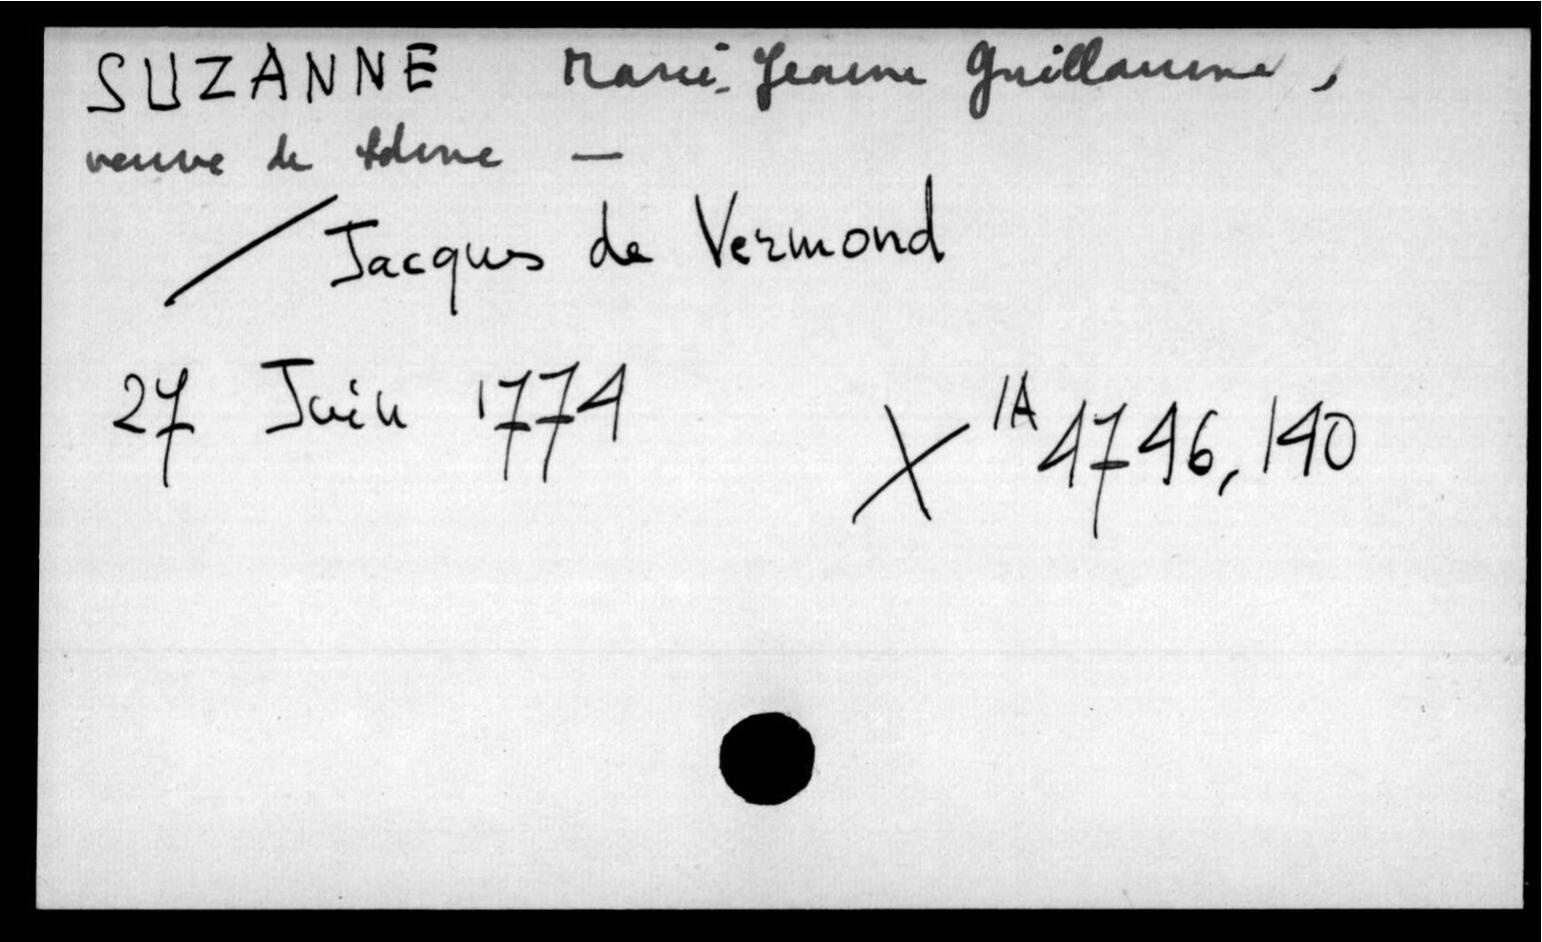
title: SUZANNE Narie-Jeanne Guillaume, veuve de Adme
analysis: Contre Jacques de Vermond
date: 27 juin 1774
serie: X1A
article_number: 4746
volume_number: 140
